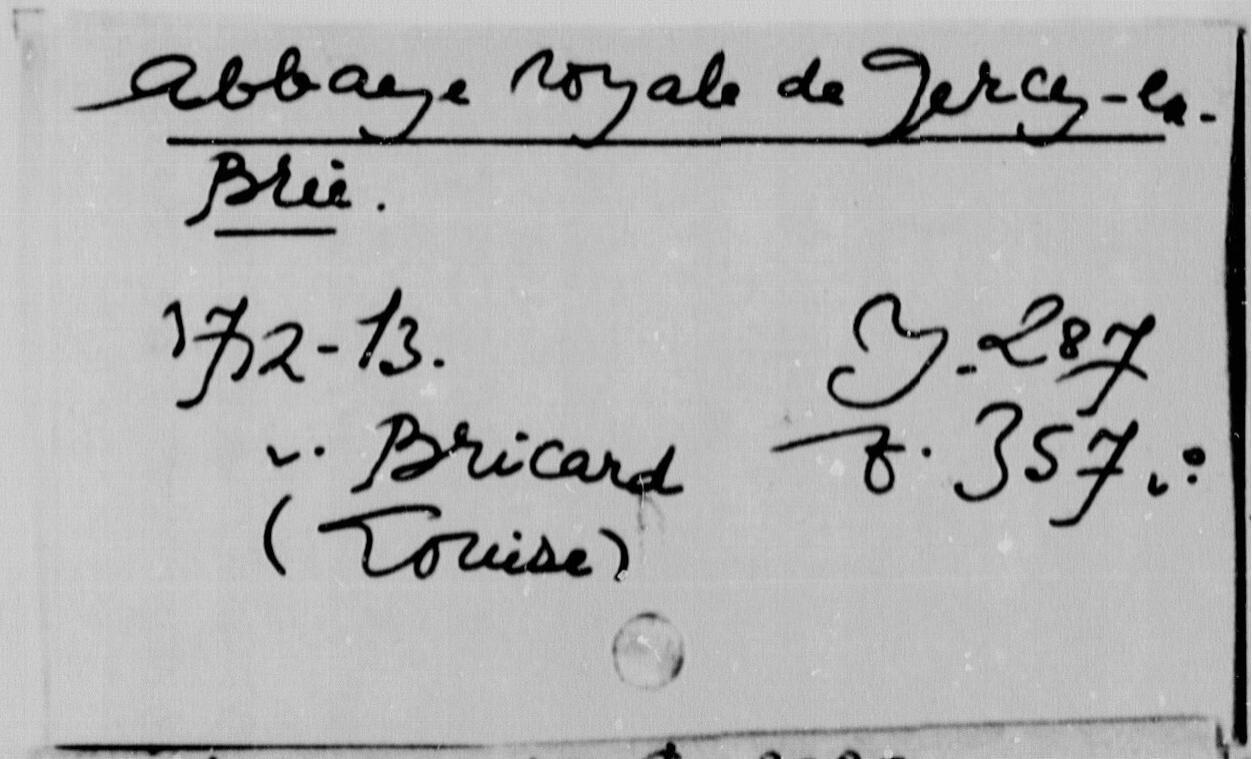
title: Abbaye royale de Gercy-la-Brie
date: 1712-1713
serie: Y
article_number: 287
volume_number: folio 357 verso
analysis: Voir Bricard (Louise)
